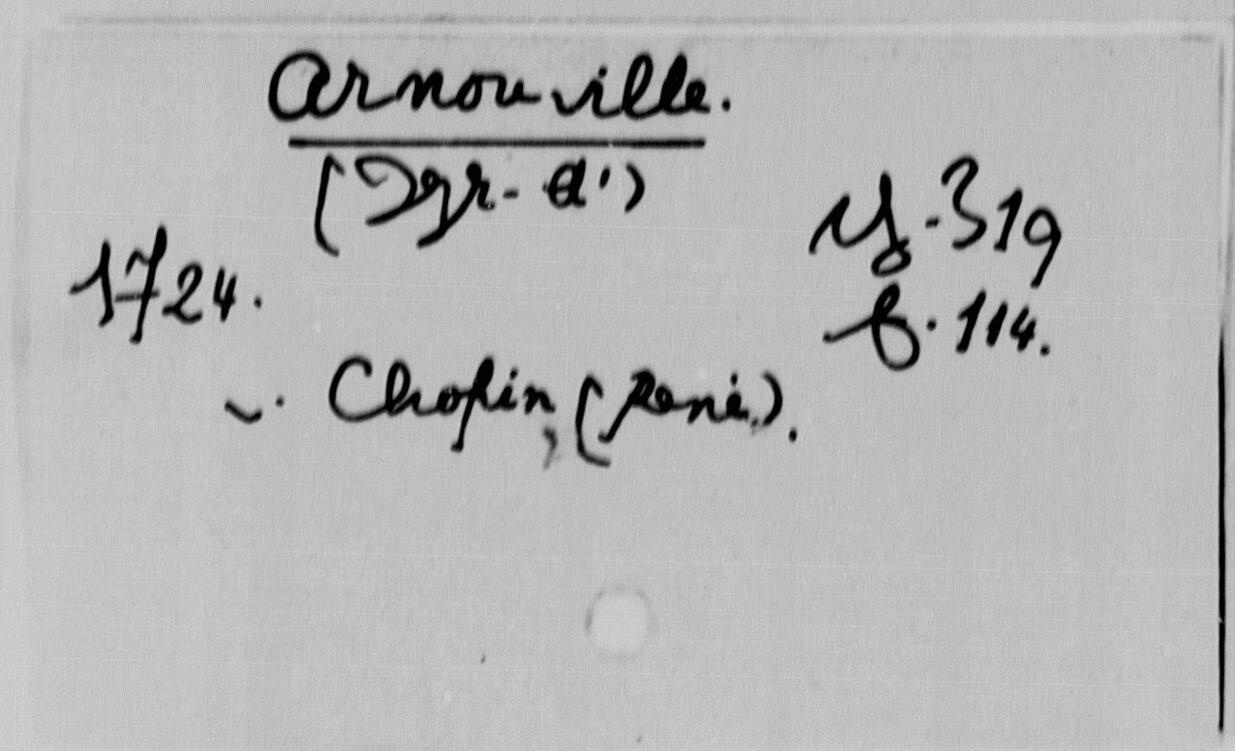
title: Arnouville (seigneur d')
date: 1724
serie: Y
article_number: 319
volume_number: folio 114
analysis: Voir Chopin (René)
